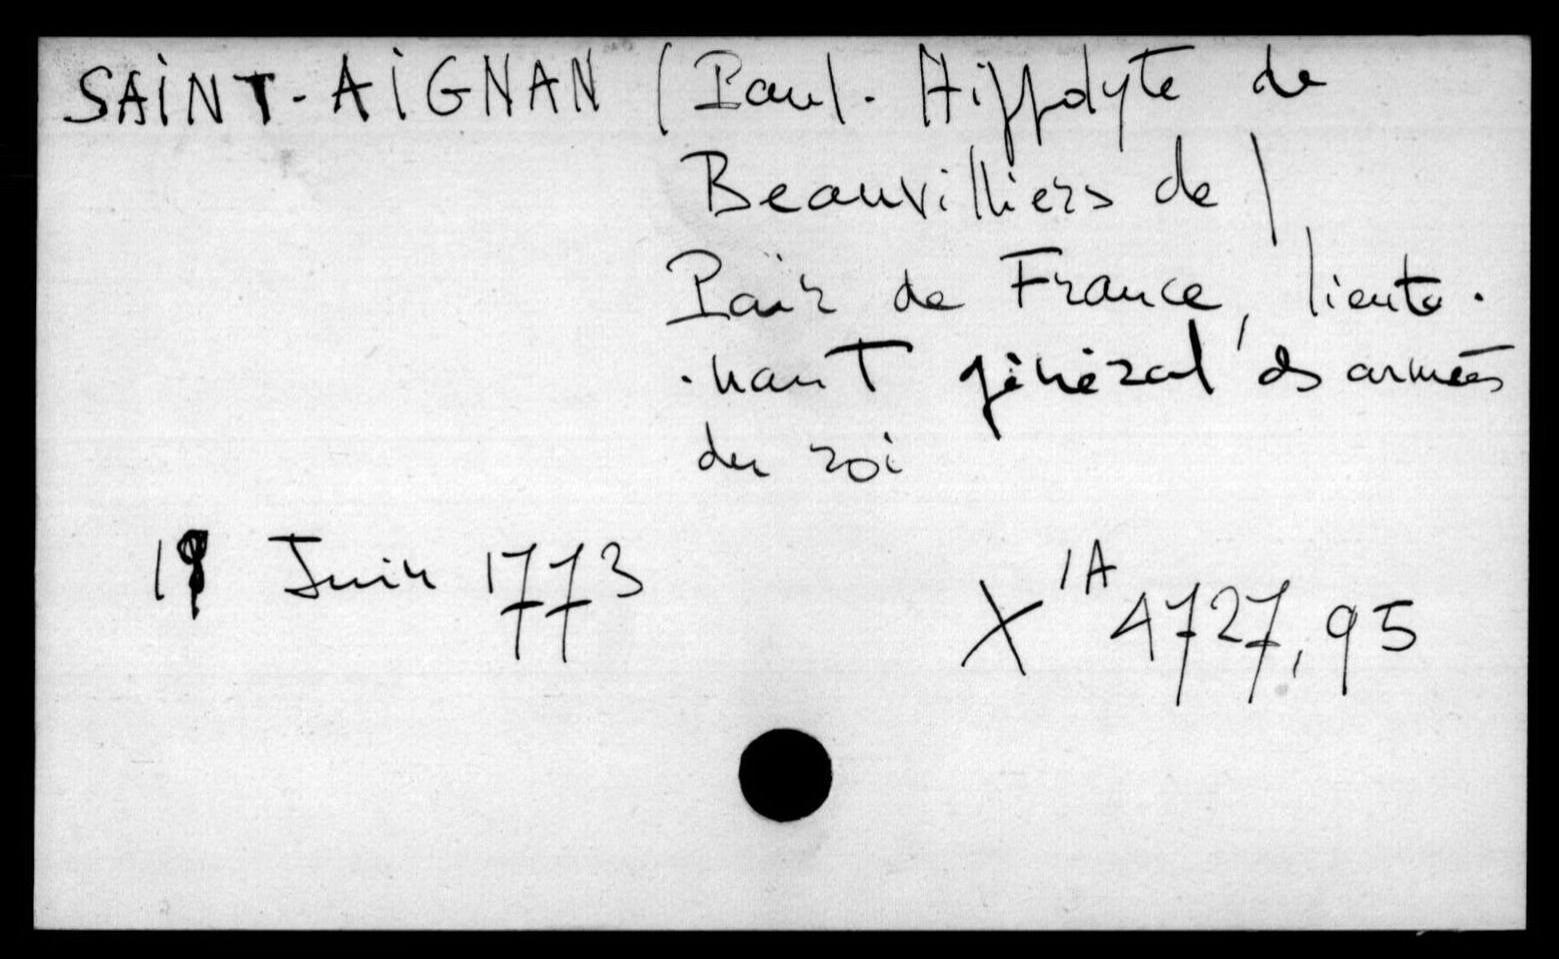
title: SAINT-AIGNAN (Paule-Hippolyte de Beauvilliers de) Pair de France, lieutenant général des armées du roi
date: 18 juin 1773
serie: X1A
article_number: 4727
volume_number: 95
